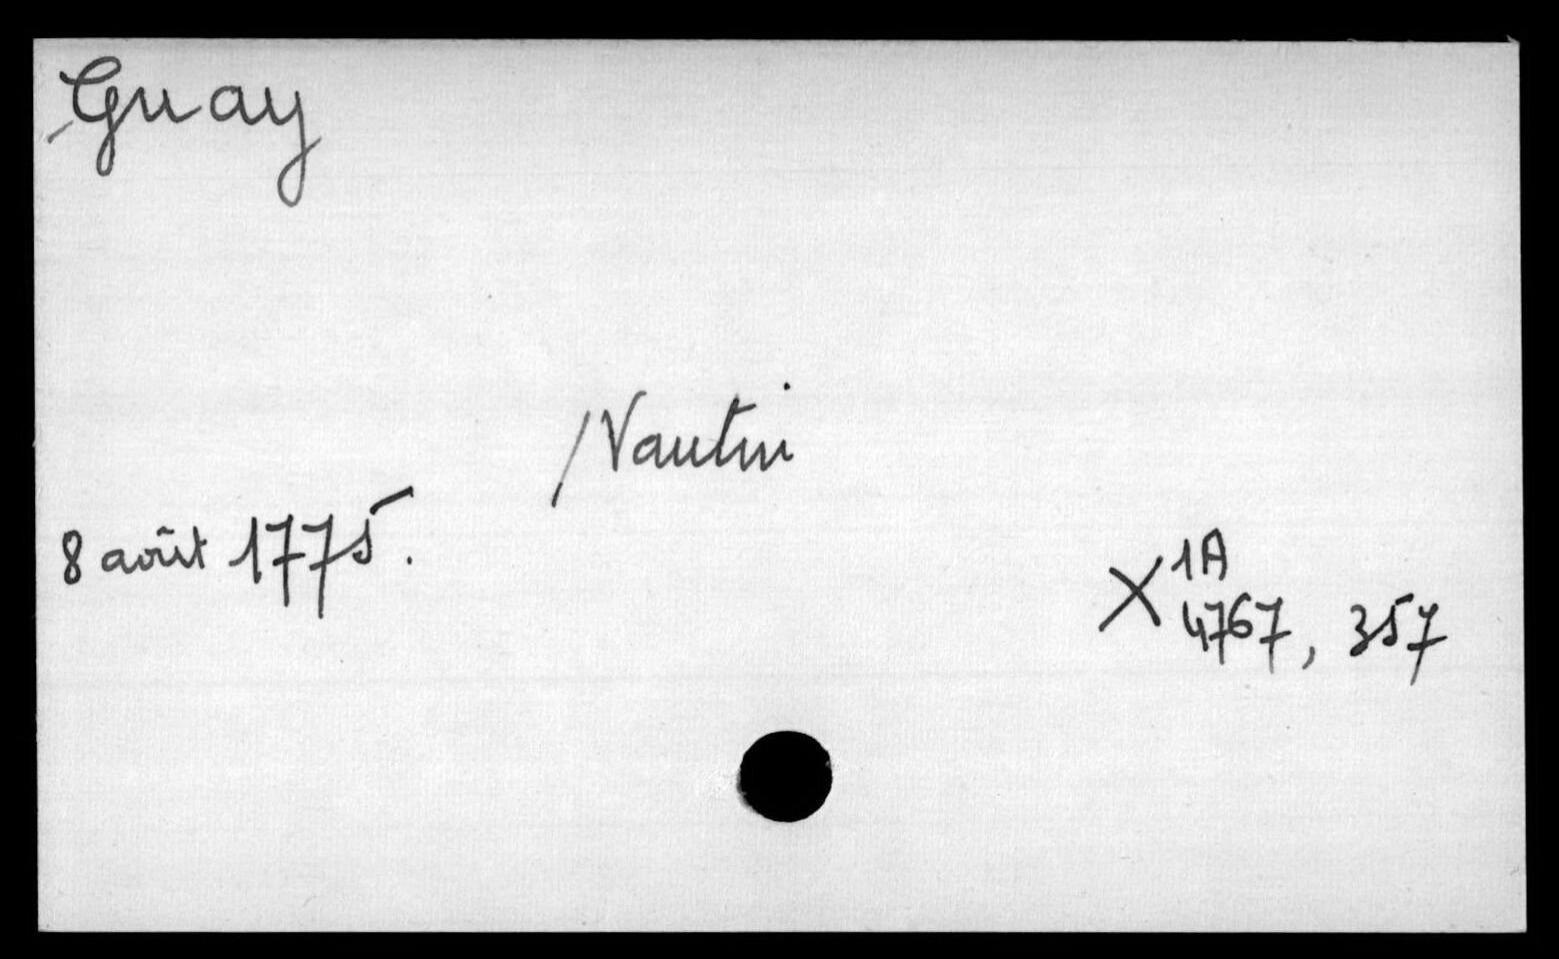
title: GUAY
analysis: Contre Vautin
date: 8 août 1775
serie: X1A
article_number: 4767
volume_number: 357
